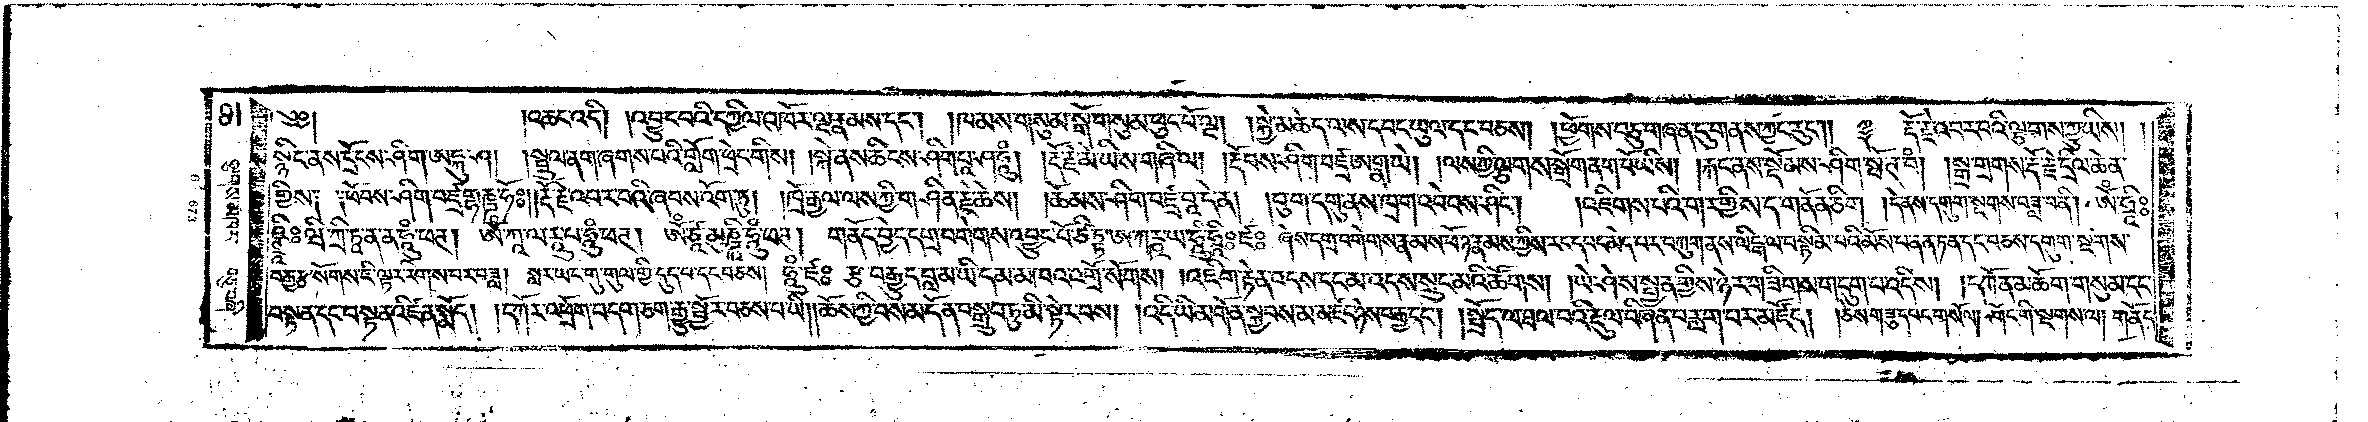༄༅། །འཆང་འདི། །འབྱུང་བའི་དཀྱིལ་འཁོར་ལྔ་རྣམས་དང་། །ཁམས་གསུམ་སྒོ་གསུམ་ཕུང་པོ་ལྔ། །སྐྱེ་མཆེད་ལས་དབང་ཡུལ་དང་བཅས། །ཕྱོགས་བཅུ་གཞན་དུ་གནས་ཀྱང་རུང་། ༈ རྡོ་རྗེ་འབར་བའི་ལྕགས་ཀྱུ་ཡིས། །
སྙིང་ནས་དྲོངས་ཤིག་ཨངྐུ་ཤ། །སྤྲུལ་ནག་ཞགས་པའི་གློག་ཕྲེང་གིས། །སྐེ་ནས་ཆིངས་ཤིག་པཱ་ཤ་ཧཱུཾ། །རྡོ་རྗེ་མེ་ཡིས་གཞི་ལ། །རྡོབས་ཤིག་བཛྲ་ཨགན་ཡེ། །ལས་ཀྱི་ལྕགས་སྒྲོག་ནག་པོ་ཡིས། །རྐང་ནས་སྡོམས་ཤིག་སྤོ་ཊ་བཾ། །སྒྲ་གྲགས་རྡོ་རྗེ་དྲིལ་ཆེན་
གྱིས༑ ༑ཕོབས་ཤིག་བཛྲ་གྷཎྜ་ཧོཿ། །རྡོ་རྗེ་འབར་བའི་ཞགས་འོག་ཏུ། །ཁྲོ་རྒྱལ་ལས་ཀྱི་གཤིན་རྗེ་ཆེན། །ཆོམས་ཤིག་བཛྲ་བའི་དེ་ན། །བུ་ག་དགུ་ནས་ཁྲག་འབེབས་ཤིང་། །འཇིགས་པའི་གར་གྱིས་ད་གནོད་ཅིག། །དེ་ནས་དགུག་སྔགས་བཟླ་བ་ནི། །ཨོཾ་ཧྲཱིཿ
ཥྚཱིཿ ཝི་ཀྲི་ཏཱ་ན་ན་ཧཱུཾ་ཕཊ། ཨོཾ་ཀཱ་ལ་རཱུ་པ་ཧཱུཾ་ཕཊ། ཨོཾ་ཙཱ་མུཎྜི་ཧཱུཾ་ཕཊ། གནོད་བྱེད་དགྲ་བགེགས་འབྱུང་པོ་ཙིཏྟ་ཨ་ཀརྵ་ཡ་ཧཱུཾ་ཧྲཱིཿ ཛཿ ཞེས་དགྲ་བགེགས་རྣམས་ཕོ་ཉ་རྣམས་ཀྱིས་རང་དབང་མེད་པར་བཀུག་ནས་ལིངྒ་བསྟིམ་པའི་མོས་པ་ནན་ཏན་དང་བཅས་དགུག་སྔགས་
བརྒྱ་རྩ་སོགས་ཇི་ལྟར་རིགས་བར་བཟླ། སླར་ཡང་གུ་གུལ་གྱི་དུད་པ་དང་བཅས། ཧཱུཾ་ཛཿ རྩ་བརྒྱུད་བླ་མ་ཡི་དམ་མཁའ་འགྲོ་སོགས། །འཇིག་རྟེན་འདས་དང་མ་འདས་སྲུང་མའི་ཚོགས། །ཡེ་ཤེས་སྤྱན་གྱིས་ཉེར་གཟིགས་གདུག་པ་འདིས། །དཀོན་མཆོག་གསུམ་དང་
བསྟན་དང་བསྟན་འཛིན་སྨོད། །དཀོར་འཕྲོག་བདག་ཅག་རྒྱུ་སྦྱོར་བཅས་པ་ཡིས། །ཆོས་ཀྱི་བསམ་དོན་བསྒྲུབ་ཏུ་མི་སྟེར་བས། །འདི་ཡི་མགོན་སྐྱབས་མ་མཛད་ཉེས་བརྒྱད་དང་། །སྤྲོད་ལ་ཐལ་བའི་རྡུལ་བཞིན་བརླག་པར་མཛོད། །ཅེས་གཟུ་དབང་གསོལ། གོང་གི་སྔགས་ལ། གནོད་